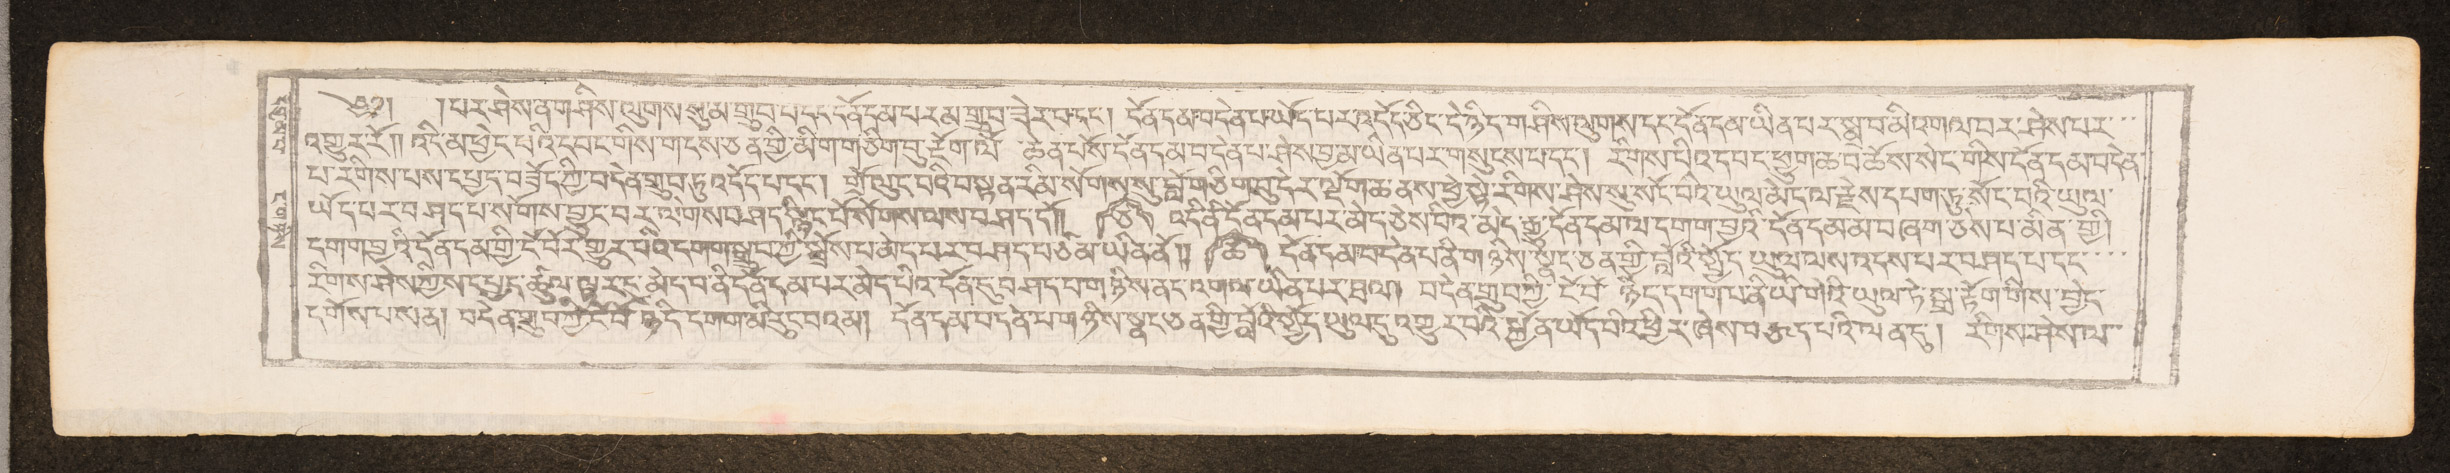༄༅། །པར་ཤེས་ན་གཤིས་ལུགས་སུ་མ་གྲུབ་པ་དང་དོན་དམ་པར་མ་གྲུབ་ཟེར་བ་དང་། དོན་དམ་བདེན་པ་ཡོད་པར་འདོད་ཅིང་དེ་ཉིད་གཤིས་ལུགས་དང་དོན་དམ་ཡིན་པར་སྨྲ་བ་མི་འགལ་བར་ཤེས་པར་
འགྱུར་རོ། །འདི་མ་ཕྱེད་པའི་དབང་གིས་གངས་ཅན་གྱི་མིག་གཅིག་བུར་དོག་ལོ། ཆེན་པོས་དོན་དམ་བདེན་པ་ཤེས་བྱ་མ་ཡིན་པར་གསུངས་པ་དང་། རིགས་བའི་དཔང་ཕྱུག་ཆེ་བ་ཆོས་སེང་གིས་དོན་དམ་བདེན་
པ་རིགས་པས་དཔྱད་བཟོ་ཀྱི་བདེན་གྲུབ་ཏུ་འདོད་པ་དང་། །གྲོ་ལུང་བའི་བསྟན་རིམ་སོགས་སུ་བློ་གཅིག་བུ་དེར་ལྡོག་ཆ་ནས་ཕྱེ་སྟེ་རིགས་ཤེས་སུ་སོང་བའི་ཡུལ་མེད་ལ་རྗེས་དཔག་ཏུ་སོང་བའི་ཡུལ་
ཡོད་པར་བཤད་པ་སོགས་བྱུང་བར་ལེགས་བཤད་སྙིང་པོ་སོགས་ལས་བཤད་དོ།། ༼༽ཅ༼༽ འདི་ནི་དོན་པར་མེད་ཅེས་པའི་མེད་རྒྱུ་དོན་ལ་དགག་བྱའི་དོན་དམ་མ་བཞག་ཅེས་པ་མིན་གྱི།
དགག་བྱའི་དོན་དམ་གྱི་ངོ་བོར་གྱུར་པའི་དགག་སྒྲུབ་ཀྱི་སྦྲོས་པ་མེད་པར་བཤད་པ་ཙམ་ཡིན་ནོ།། ༼༽ཆ༼༽ དོན་དམ་བདེན་པ་ནི་གཉིས་སྣང་ཅན་གྱི་བླའི་སྤྱོད་ཡུལ་ལས་འདས་པར་བཤད་པ་དང་
རིགས་ཤེས་ཀྱི་དཔྱད་ཚུལ་ལྟར་དུ་མེད་པ་ནི་དོན་དམ་པར་མེད་པའི་དོན་དུ་བཤད་པ་གཉིས་ནང་འགལ་ཡིན་པར་ཐལ། བདེན་གྲུབ་ཀྱི་ངོ་བོ་ཉིད་དགག་པ་ནི་ཡི་གེའི་ཡུལ་ཏེ་སྒྲ་རྟོག་གིས་བྱེད་
དགོས་པས་ན། བདེན་གྲུབ་ཀྱི་ངོ་བོ་ཉིད་དགག་མི་རུང་བའམ། དོན་དམ་འཛིན་པ་གཉིས་སྣང་ཅན་གྱི་བློའི་སྤྱོད་ཡུལ་དུ་འགྱུར་པའི་སྐྱོན་ཡོད་པའི་ཕྱིར་ཞེས་བརྩད་པའི་ལན་དུ་། ། རིགས་ཤེས་ལ་